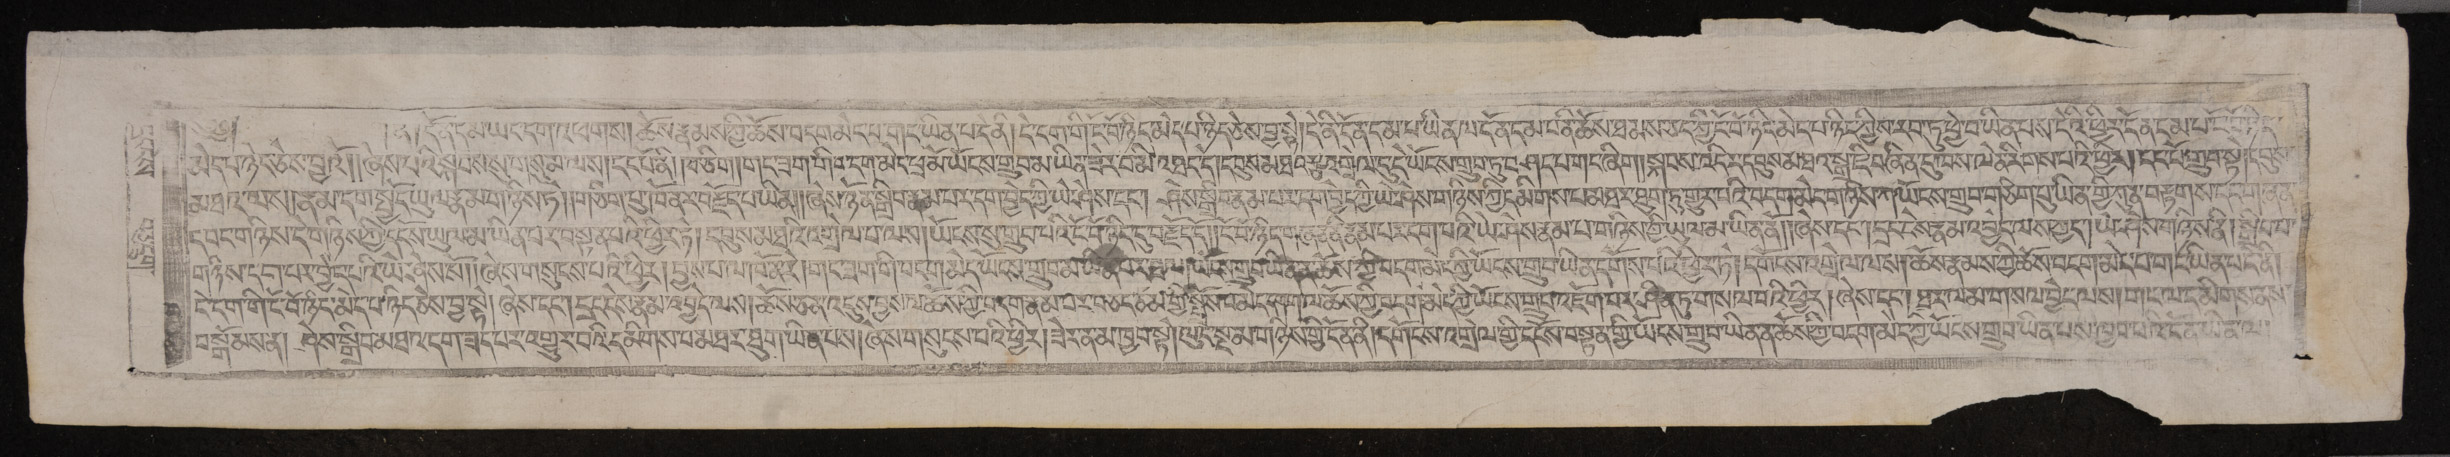༄༅། །ན། དོན་དམ་ཡང་དག་འཕགས། ཆོས་རྣམས་ཀྱི་ཆོས་བདག་མེད་པ་གང་ཡིན་པ་དེ་ནི། དེ་དག་གི་ངོ་བོ་ཉིད་མེད་པ་ཉིད་ཅེས་བྱ་སྟེ། དེ་ནི་དོན་དམ་པ་ཡིན་ལ་དོན་དམ་པ་ནི་ཆོས་ཐམས་ཅད་ཀྱི་ངོ་བོ་ཉིད་མེད་པ་ཉིད་ཀྱིས་རབ་ཏུ་ཕྱེ་བ་ཡིན་པས་དེའི་ཕྱིར་དོན་དམ་པ་ངོ་བོ་ཉིད་
མེད་པ་ཉིད་ཅེས་བྱའོ། །ཞེས་པའི་སྐབས་སུ་གསུམ་ལས། དང་པོ་ནི། ཁ་ཅིག། གང་ཟག་གི་བདག་མེད་ཕྲ་མོ་ཡོངས་གྲུབ་མ་ཡིན་ཟེར་བ་མི་འཐད་དེ། དབུས་མཐའ་རྩ་འགྲེལ་དུ་དེ་ཡོངས་གྲུབ་ཏུ་བཤད་པ་གང་ཞིག། སྐབས་འདིར་དབུས་མཐའ་སྒྲ་ཇི་བཞིན་དུ་ཁས་ལེན་རིགས་པའི་ཕྱིར། དང་པོ་གྲུབ་སྟེ། དབུས་
མཐའ་ལས། རྣམ་དག་སྤྱོད་ཡུལ་རྣམ་གཉིས་ཏེ། །གཅིག་པུ་ཁོ་ནར་བརྗོད་པ་ཡིན། །ཞེས་ཉོན་སྒྲིབ་རྣམ་པར་དག་བྱེད་ཀྱི་ཡེ་ཤེས་དང་། ཤེས་སྒྲིབ་རྣམ་པར་དག་བྱེད་ཀྱི་ཡེ་ཤེས་གཉིས་ཀྱི་དམིགས་པ་མཐར་ཐུག་ཏུ་གྱུར་པའི་བདག་མེད་གཉིས་ཀ་ཡོངས་གྲུབ་གཅིག་པུ་ཡིན་གྱི་ཀུན་བརྟགས་དང་གཞན་
དབང་གཉིས་དེ་གཉིས་ཀྱི་དངོས་ཡུལ་མ་ཡིན་པར་བསྟན་པའི་ཕྱིར་ཏེ། དབུས་མཐའི་འགྲེལ་པ་ལས། ཡོངས་སུ་གྲུབ་པའི་ངོ་བོ་ཉིད་དུ་བརྗོད་དོ། །ངོ་བོ་ཉིད་གཞན་ནི་རྣམ་པར་དག་པའི་ཡེ་ཤེས་རྣམ་པ་གཉིས་ཀྱི་ཡུལ་མ་ཡིན་ནོ། །ཞེས་དང་། དྲང་ངེས་རྣམ་འབྱེད་ལས་ཀྱང་། ཡེ་ཤེས་གཉིས་ནི། སྒྲིབ་པ་
གཉིས་དག་པར་བྱེད་པའི་ཡེ་ཤེས་སོ། །ཞེས་གསུངས་པའི་ཕྱིར། བྱས་པ་ལ་ཁོ་ན་རེ། གང་ཟག་གི་བདག་མེད་ཡོངས་གྲུབ་མ་ཡིན་པར་ཐལ། ཡོངས་གྲུབ་ཡིན་ན་ཆོས་ཀྱི་བདག་མེད་ཀྱི་ཡོངས་གྲུབ་ཡིན་དགོས་པའི་ཕྱིར་ཏེ། དགོངས་འགྲེལ་ལས། ཆོས་རྣམས་ཀྱི་ཆོས་བདག་མེད་པ་གང་ཡིན་པ་དེ་ནི།
དེ་དག་གི་ངོ་བོ་ཉིད་མེད་པ་ཉིད་ཅེས་བྱ་སྟེ། ཞེས་དང་། དྲང་ངེས་རྣམ་འབྱེད་ལས། ཆོས་ཅན་འདུས་བྱས་ལ་ཆོས་ཀྱི་བདག་རྣམ་པར་བཅད་ཙམ་གྱི་སྤྲོས་པ་མེད་དགག་ལ་ཆོས་ཀྱི་བདག་མེད་ཀྱི་ཡོངས་གྲུབ་འཇོག་པར་ཤིན་ཏུ་གསལ་བའི་ཕྱིར། ཞེས་དང་། ཐར་ལམ་གསལ་བྱེད་ལས། གང་ལ་དམིགས་ནས་
བསྒོམས་ན། ཤེས་སྒྲིབ་མཐའ་དག་ཟད་པར་འགྱུར་བའི་དམིགས་པ་མཐར་ཐུག་ཡིན་པས། ཞེས་གསུངས་པའི་ཕྱིར། ཟེར་ན་མ་ཁྱབ་སྟེ། ལུང་སྔ་མ་གཉིས་ཀྱི་དོན་ནི། དགོངས་འགྲེལ་གྱི་དངོས་བསྟན་གྱི་ཡོངས་གྲུབ་ཡིན་ན་ཆོས་ཀྱི་བདག་མེད་ཀྱི་ཡོངས་གྲུབ་ཡིན་པས་ཁྱབ་པའི་དོན་ཡིན་ལ།